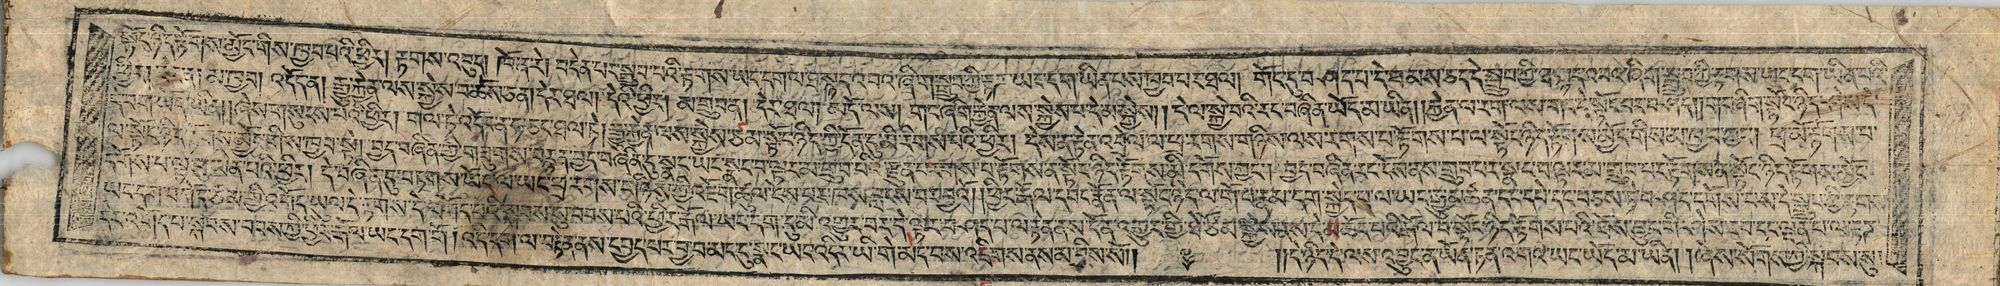སྟོང་ཉིད་རྟོགས་མྱོང་གིས་ཁྱབ་པའི་ཕྱིར། རྟགས་འབུད། ཁོ་ན་རེ། བདེན་པར་སྒྲུབ་པའི་རྟགས་ཡང་དག་ལ་ཐ་སྙད་འབའ་ཞིག་སྒྲུབ་ཀྱི་རྟགས་ཡང་དག་ཡིན་པས་ཁྱབ་པར་ཐལ། གོང་དུ་བཤད་པ་དེ་ཐམས་ཅད་དེ་སྒྲུབ་ཀྱི་ཐ་སྙད་འབའ་ཞིག་སྒྲུབ་ཀྱི་རྟགས་ཡང་དག་ཡིན་པའི་
ཕྱིར། ཟེར་ན། མ་ཁྱབ། འདོད་ན། རྒྱུ་རྐྱེན་ལས་སྐྱེས་བ་ཆོས་ཅན། དེར་ཐལ། དེའི་ཕྱིར། མ་གྲུབ་ན། དེར་ཐལ། མདོ་ལས། གང་ཞིག་རྐྱེན་ལས་སྐྱེས་བ་དེ་མ་སྐྱེས། །དེ་ལ་སྐྱེ་བའི་རང་བཞིན་ཡོད་མ་ཡིན། །རྐྱེན་ལ་རག་ལས་གང་དེ་སྟོང་པར་བཤད། །གང་ཞིག་སྟོང་ཉིད་ཤེས་
དེ་བག་ཡོད་ཡིན། །ཞེས་གསུངས་པའི་ཕྱིར། གལ་ཏེ་འདོད་ན་ཧ་ཅང་ཐལ་ཏེ། རྒྱུ་རྐྱེན་ལས་སྐྱེས་ཙམ་སྟོང་ཉིད་ཀྱི་དོན་དུ་མི་རིགས་པའི་ཕྱིར། དེས་ན་རྟེན་འབྲེལ་ལ་ཕྲ་རགས་གཉིས་ལས་རགས་པ་རྟོགས་པ་ལ་སྟོང་ཉིད་རྟོགས་མྱོང་གིས་མ་ཁྱབ་ཀྱང་། ཕྲ་མོ་རྟོགས་པ་
ལ་སྟོང་ཉིད་རྟོགས་མྱོང་གིས་ཁྱབ་སྟེ། བྱད་བཞིན་གྱི་གཟུགས་བརྙན་བྱད་བཞིན་དུ་སྣང་ཡང་སྣང་བ་ལྟར་མ་གྲུབ་པའི་རྫུན་པ་རགས་པ་རྟོགས་ན་སྟོང་ཉིད་རྟོགས་མི་དགོས་ཀྱང་། བྱད་བཞིན་རང་ངོས་ནས་གྲུབ་པར་སྣང་བ་ལྟར་མ་གྲུབ་པར་རྟོགས་ན་སྟོང་ཉིད་རྟོགས་མྱོང་
དགོས་པ་ལྟ་བུ་ཡིན་པའི་ཕྱིར། དེ་བཞིན་དུ་བཏགས་ཡོད་ལ་ཡང་ཕྲ་རགས་གཉིས་ཀྱི་འཇོག་ཚུལ་ངེས་པར་ཁས་བླངས་བར་བྱའོ། །ཕྱིར་རྒོལ་དབང་རྣོན་ལ་སྟོང་ཉིད་ལ་གོ་པ་རྣམ་དག་སྐྱེད་པ་ལ་ཡང་རྒྱུ་མཚན་དང་དཔེ་དང་བཅས་ཏེ་བཤད་དགོས་པས་དེ་སྒྲུབ་ཀྱི་རྟགས་
ཡང་དག་བཀོད་ཙམ་གྱི་འགོད་ཡུལ་དེ་རྟགས་དེ་འགོད་པའི་སྐབས་སུ་བབས་པའི་ཕྱིར་རྒོལ་ཡང་དག་དུ་མི་འགྱུར་བར་དེ་ལྟར་བཤད་པ་ལ་བརྟེན་ནས་ངོནྰྒྱུར་གྱི་ཐེ་ཙོམྶྐྱེས་ནས་དེ་ཆོད་པའི་རྒོལ་བ་སྟོང་ཉིད་རྟོགས་པའི་ཐོས་བྱུང་གི་ཤེས་རབ་དང་ལྡན་པ་ལ་རྟགས་
དེར་འགོད་པ་སྐབས་བབས་ཀྱི་ཕྱིར་རྒོལ་ཡང་དག་གོ །འདི་དག་ལ་བརྟེན་ནས་དཔྱད་པར་བྱ་བ་མང་དུ་སྣང་ཡང་འདིར་ཡི་གེ་མང་བས་འཇིགས་ནས་མ་བྲིས་སོ།། ༈ །།དེ་ཉིད་དེ་ལས་འབྱུང་ན་ཡོན་ཏན་འགའ་ཡང་ཡོད་མ་ཡིན། །ཞེས་སོགས་ཀྱི་སྐབས་སུ།